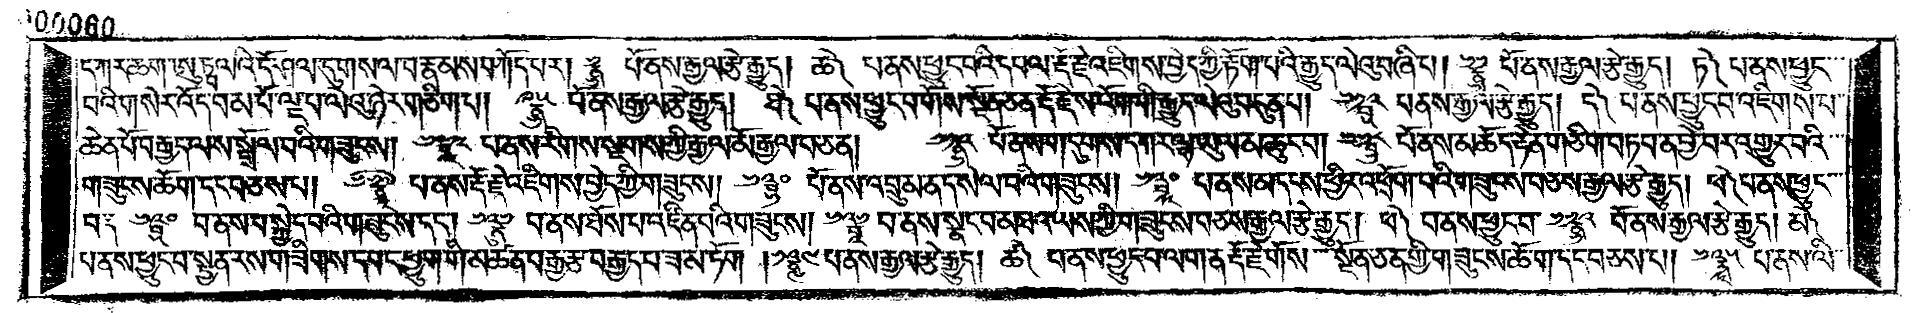དཀར་ཆག་ཨུཏྦལའི་དོ་ཤལ་དུ་གསལ་བ་རྣམས་བཀོད་པར། ༦ན༦?་པོ་ནས་རྒྱལ་རྩེ་རྒྱུད། ཆ་པ་ནས་ཕྱུང་བའི་དཔལ་རྡོ་རྗེ་འཇིགས་བྱེད་ཀྱི་རྟོག་པའི་རྒྱུད་ལེའུ་བཞི་པ། ༦༦ན༦?་པོ་ནས་རྒྱལ་རྩེ་རྒྱུད། ཏ་པ་ནས་ཕྱུང་
བའི་གསེར་འོད་བམ་པོ་ལྔ་པ་ལེའུ་ཉེར་གཅིག་པ། ༩༥ན༦?་པོ་ནས་རྒྱལ་རྩེ་རྒྱུད། ཐ་པ་ནས་ཕྱུང་བ་གོས་སྔོན་ཅན་རྡོ་རྗེ་ས་འོག་གི་རྒྱུད་ལེའུ་བདུན་པ། ༦༡༢བ༥?་པ་ནས་རྒྱལ་རྩེ་རྒྱུད། ད་པ་ནས་ཕྱུང་བ་འཇིགས་པ་
ཆེན་པོ་བརྒྱད་ལས་སྒྲོལ་བའི་གཟུངས། ༦༠༣བ༣་པ་ནས་རིགས་སྔགས་ཀྱི་རྒྱལ་མོ་རྒྱལ་བ་ཅན། ༡༡༢ན༦?་པོ་ནས་གདུགས་དཀར་ལྷ་ཡུལ་མ་ཆུང་བ། ༦༦༨བ༦?་པོ་ནས་མཆོད་རྟེན་གཅིག་བཏབ་ན་བྱེ་བར་འགྱུར་བའི་
གཟུངས་ཆོག་དང་བཅས་པ། ༦༦༩ན༣?་པ་ནས་རྡོ་རྗེ་འཇིགས་བྱེད་ཀྱི་གཟུངས། ༦༢༠བ༦?་པོ་ནས་འབྲུམ་ནད་སེལ་བའི་གཟུངས། ༦༢༠བ༣་པ་ནས་མདངས་ཕྱིར་འཕྲོག་བའི་གཟུངས་བཅས་རྒྱལ་རྩེ་རྒྱུད། ཕ་པ་ནས་ཕྱུང་
བ༑ ༦༢༠བ༥་བ་ནས་བསྐྱེད་བའི་གཟུངས་དང་། ༦༢༦ན༦་བ་ནས་ཐོས་པ་འཛིན་པའི་གཟུངས། ༦༢༦བ༢་བ་ནས་སྣང་བ་མཐའ་ཡས་ཀྱི་གཟུངས་བཅས་རྒྱལ་རྩེ་རྒྱུད། ཕ༼་བ་ནས་ཕྱུང་བ ༦༦༢ན༦་བོ་ནས་རྒྱལ་རྩེ་རྒྱུད། མ༽
པ་ནས་ཕྱུང་བ་སྤྱན་རས་གཟིགས་དབང་ཕྱུག་གི་མཚན་བརྒྱ་རྩ་བརྒྱད་པ་ཟ་མ་ཏོག །༦༢༤ན༤་པ་ནས་རྒྱལ་རྩེ་རྒྱུད། ཚ་པ་ནས་ཕྱུང་བ་ལག་ན་རྡོ་རྗེ་གོས་སྔོན་ཅན་གྱི་གཟུངས་ཆོ་ག་དང་བཅས་པ། ༦༢༥ན༣་པ་ནས་ལི་